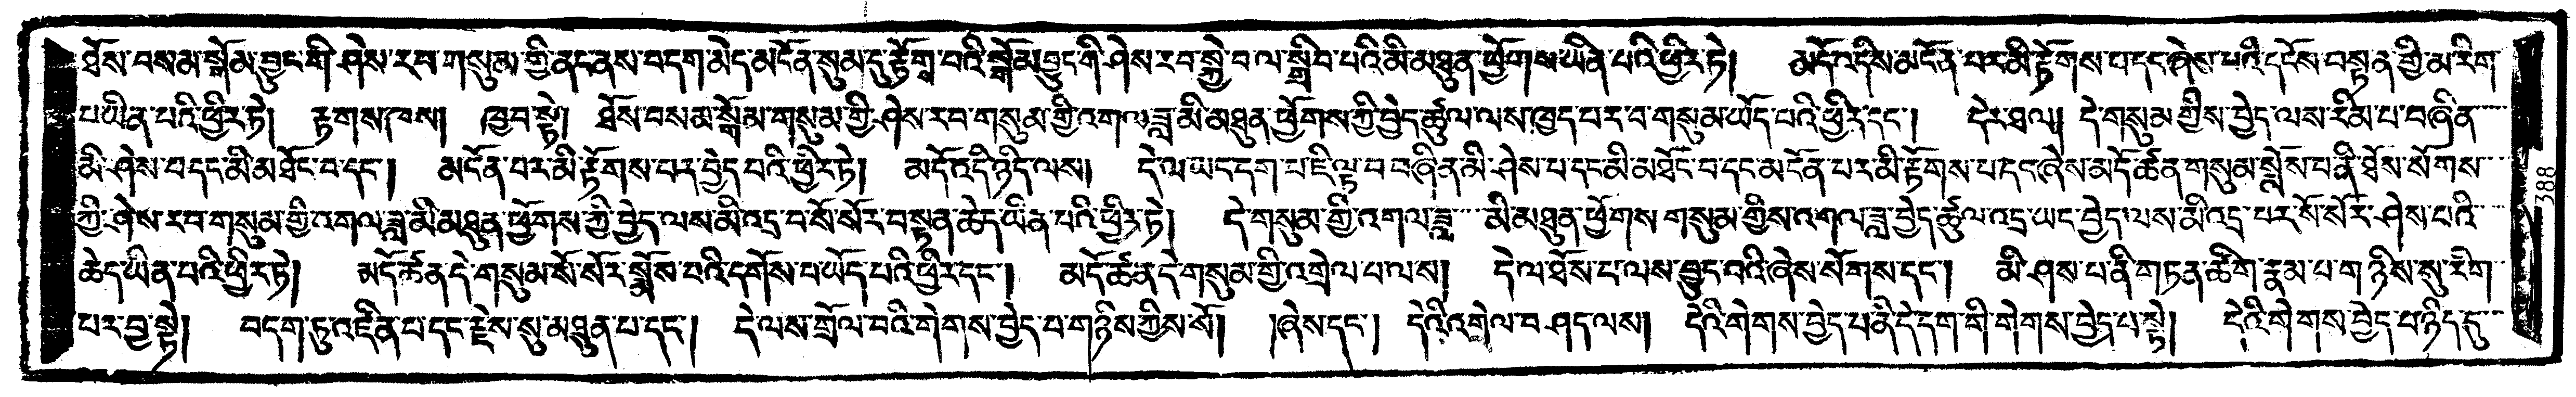ཐོས་བསམ་སྒོམ་བྱུང་གི་ཤེས་རབ་གསུམ་གྱི་ནང་ནས་བདག་མེད་མངོན་སུམ་དུ་རྟོགས་པའི་སྒོམ་བྱུང་གི་ཤེས་རབ་སྐྱེ་བ་ལ་སྒྲིབ་པའི་མི་མཐུན་ཕྱོགས་ཡིན་པའི་ཕྱིར་ཏེ། མདོ་འདིས་མངོན་པར་མི་རྟོགས་པ་དང་ཞེས་པའི་དངོས་བསྟན་གྱི་མ་རིག་
པ་ཡིན་པའི་ཕྱིར་ཏེ། རྟགས་ཁས། ཁྱབ་སྟེ། ཐོས་བསམ་སྒོམ་གསུམ་གྱི་ཤེས་རབ་གསུམ་གྱི་འགལ་ཟླ་མི་མཐུན་ཕྱོགས་ཀྱི་བྱེད་ཚུལ་ལས་ཁྱད་པར་བ་གསུམ་ཡོད་པའི་ཕྱིར་དང་། དེར་ཐལ། དེ་གསུམ་གྱིས་བྱེད་ལས་རིམ་པ་བཞིན་
མི་ཤེས་པ་དང་མི་མཐོང་བ་དང་། མངོན་པར་མི་རྟོགས་པར་བྱེད་པའི་ཕྱིར་ཏེ། མདོ་འདི་ཉིད་ལས། དེ་ལ་ཡང་དག་པ་ཇི་ལྟ་བ་བཞིན་མི་ཤེས་པ་དང་མི་མཐོང་བ་དང་མངོན་པར་མི་རྟོགས་པ་དང་ཞེས་མདོ་ཚན་གསུམ་སྨོས་པ་ནི་ཐོས་སོགས་
ཀྱི་ཤེས་རབ་གསུམ་གྱི་འགལ་ཟླ་མི་མཐུན་ཕྱོགས་ཀྱི་བྱེད་ལས་མི་འདྲ་བ་སོ་སོར་བསྟན་ཆེད་ཡིན་པའི་ཕྱིར་ཏེ། དེ་གསུམ་གྱི་འགལ་ཟླ་མི་མཐུན་ཕྱོགས་གསུམ་གྱིས་འགལ་ཟླ་བྱེད་ཚུལ་འདྲ་ཡང་བྱེད་ལས་མི་འདྲ་བར་སོ་སོར་ཤེས་པའི་
ཆེད་ཡིན་པའི་ཕྱིར་ཏེ། མདོ་ཚན་དེ་གསུམ་སོ་སོར་སྨོས་པའི་དགོས་པ་ཡོད་པའི་ཕྱིར་དང་། མདོ་ཚན་དེ་གསུམ་གྱི་འགྲེལ་པ་ལས། དེ་ལ་ཐོས་པ་ལས་བྱུང་བའི་ཞེས་སོགས་དང་། མི་ཤས་པ་ནི་གཏན་ཚིག་རྣམ་པ་གཉིས་སུ་རིག་
པར་བྱ་སྟེ། བདག་ཏུ་འཛིན་པ་དང་རྗེས་སུ་མཐུན་པ་དང་། དེ་ལས་གྲོལ་བའི་གེགས་བྱེད་པ་གཉིས་ཀྱིས་སོ། །ཞེས་དང་། དེའི་འགྲེལ་བཤད་ལས། དེའི་གེགས་བྱེད་བ་ནི་དེ་དག་གི་གེགས་བྱེད་པ་སྟེ། དེའི་གེགས་བྱེད་བ་ཉིད་དུ་